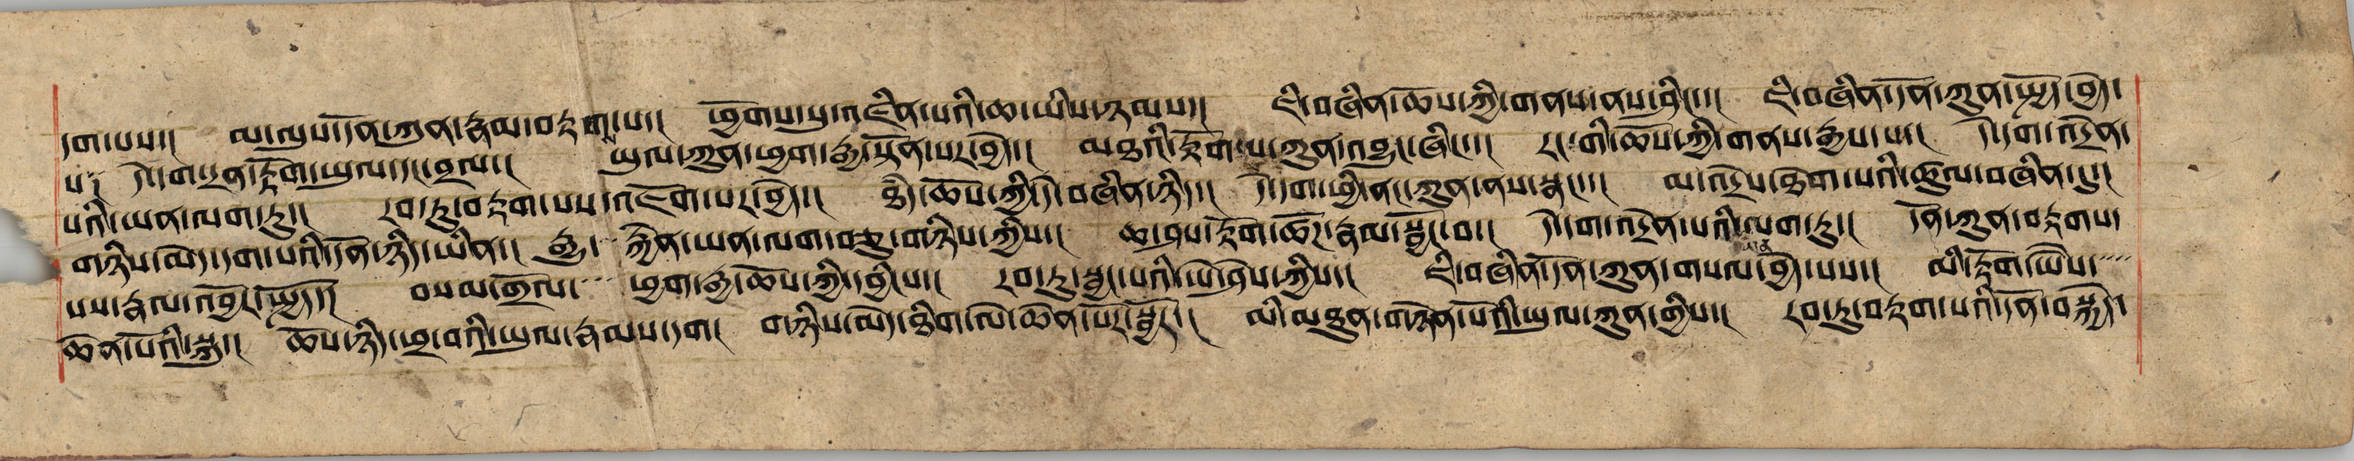དག་པས་། མ་ལུས་དོན་ཀུན་རྣམ་བརྟགས་པ་། ཕྱོགས་སུ་འཛིན་པའི་ཆ་ཡིས་ཉམས་། ཇི་བཞིན་ཆོས་ཀྱི་གནས་ནས་ཤིང་། ཇི་བཞིན་དོན་ཀུན་སྤྱོད་བྱེད་
པ༑ དེ་དག་དྲན་རྟོག་ཡུལ་དང་བྲལ་། ཡུལ་ཀུན་ཕྱག་རྒྱ་སྟོན་པར་བྱེད་། མཐའི་རྟོག་པ་ཀུན་འབྱུང་ཞིང་་། རང་གི་ཆོས་ཀྱི་གནས་རྒྱས་པ་། དེ་དག་འདྲེན་
པའི་ཡན་ལག་ཏུ་། རབ་ཏུ་བརྟག་པས་འཇོག་པར་བྱེད་། ཐཾད་ཆོས་ཀྱི་དེ་བཞིན་ཉིད་། དེ་དག་ཕྱི་ནང་ཀུན་ནས་སྣང་་། མ་འདྲེས་ཐེག་པའི་ཚུལ་བཞིན་དུ་།
གཉིས་མེད་དག་པའི་དོན་ཉིད་ཡིན་། རྒྱུ་རྐྱེན་ཡན་ལག་བཅུ་གཉིས་ཀྱིས་། ཆ་ཤས་རྟོག་ཚོཌ་རྣམ་སྦྱོང་བ་། དེ་དག་འདྲེན་པའི་ཡན་ལག་ཏུ་། དོན་ཀུན་བརྟགས་
པས་རྣལ་འབྱོར་སྤྱོད་། བསམ་གྲོལ་་་་ཕྱག་རྒྱ་ཆོས་ཀྱི་དབྱིངས་། རབ་ཏུ་སྦྱང་པའི་ཡེ་ཤེས་ཀྱིས་། ཇི་བཞིན་དོན་ཀུན་གསལ་བྱེད་པས་། མི་རྟོག་ཡཻས་
ཆེན་པོའི་སྐུ་། ཆོས་ཉིད་ཕྲ་བའི་ཡུལ་རྣམས་དག། གཉིས་མེད་ཐིག་ལེ་ཆེན་པོར་སྦྱོར་། མི་མཐུན་གཉེན་པོའི་ཡུལ་ཀུན་གྱིས་། རབ་ཏུ་བརྟག་པའི་དོན་བསྐྱེད་